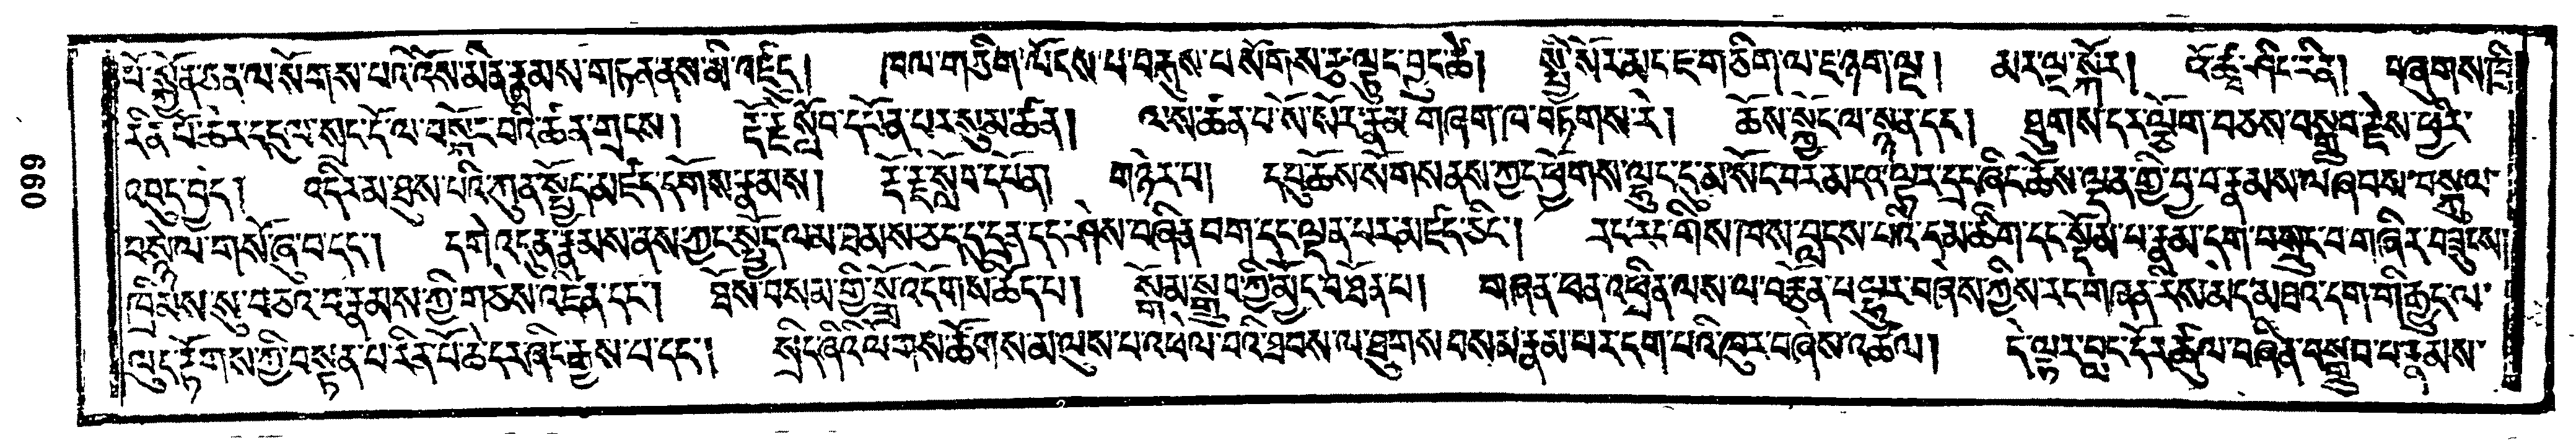པོ་སྐྱོན་ཅན་ལ་སོགས་པའི་འོས་མིན་རྣམས་གཏན་ནས་མི་འཛུད། ཁལ་གཅིག་ལོངས་པ་བརྐུས་པ་སོགས་རྩ་ལྟུང་བྱུང་ཚེ། སྤྱི་སོར་མང་ཇ་གཅིག་ལ་ཇ་ཉག་ལྔ། མར་ལྔ་སྐོར། འོ་ཚྭ་ཤིང་རིན། བཞུགས་ཁྲི་
རིན་པོ་ཆེར་དངུལ་སྲང་དོ་ལ་བསྐོར་བའི་ཚན་གྲངས། རྡོ་རྗེ་སློབ་དཔོན་པར་སུམ་ཚན། ལས་ཚན་པ་སོ་སོར་རྣམ་གཞག་ཁ་བཏགས་རེ། ཆོས་སྐྱོང་ལ་སྙན་དང་། ཐུགས་དར་ལྕོག་བཅས་བསྒྲུབ་རྗེས་ཕྱིར་
འབུད་བྱེད། འདིར་མ་ཐུས་པའི་ཀུན་སྤྱོད་མཛད་དགོས་རྣམས། རྡོ་རྗེ་སློབ་དཔོན། གཉེར་པ། དབུ་ཆོས་སོགས་ནས་ཀྱང་ཕྱོགས་ལྷུང་དུ་མ་སོང་བར་མངའ་ལྟར་དྲང་ཞིང་ཆོས་ལྡན་གྱི་བྱ་བ་རྣམས་ལ་ཞབས་བསྐུལ་
བསྙེལ་གསོ་ཞུ་བ་དང་། དགེ་འདུན་རྣམས་ནས་ཀྱང་སྤྱོད་ལམ་ཐམས་ཅད་དུ་དྲན་དང་ཤེས་བཞིན་བག་དང་ལྡན་པར་མཛད་ཅིང་། རང་རང་གིས་ཁས་བླངས་པའི་དམ་ཚིག་དང་སྡོམ་པ་རྣམ་དག་བསྲུང་བ་གཞིར་བཟུངས།
ཁྲིམས་སུ་བཅའ་བ་རྣམས་ཀྱི་གཅེས་འཛིན་དང་། ཐོས་བསམ་གྱི་སྒྲོ་འདོགས་ཆོད་པ། སྒོམ་སྒྲུབ་ཀྱི་མྱོང་བ་ཐོན་པ། གཞན་ཕན་འཕྲིན་ལས་ལ་བརྩོན་པ་ལྷུར་བཞེས་ཀྱིས་རང་གཞན་རིས་མེད་མཐའ་དག་གི་རྒྱུད་ལ་
ལུང་རྟོགས་ཀྱི་བསྟན་པ་རིན་པོ་ཆེ་དར་ཞིང་རྒྱས་པ་དང་། སྲིད་ཞིའི་ལེགས་ཚོགས་མ་ལུས་པ་འཕེལ་བའི་ཐབས་ལ་ཐུགས་བསམ་རྣམ་པར་དག་པའི་ཁུར་བཞེས་འཚལ། དེ་ལྟར་བླང་དོར་ཚུལ་བཞིན་བསྒྲུབ་པ་རྣམས་